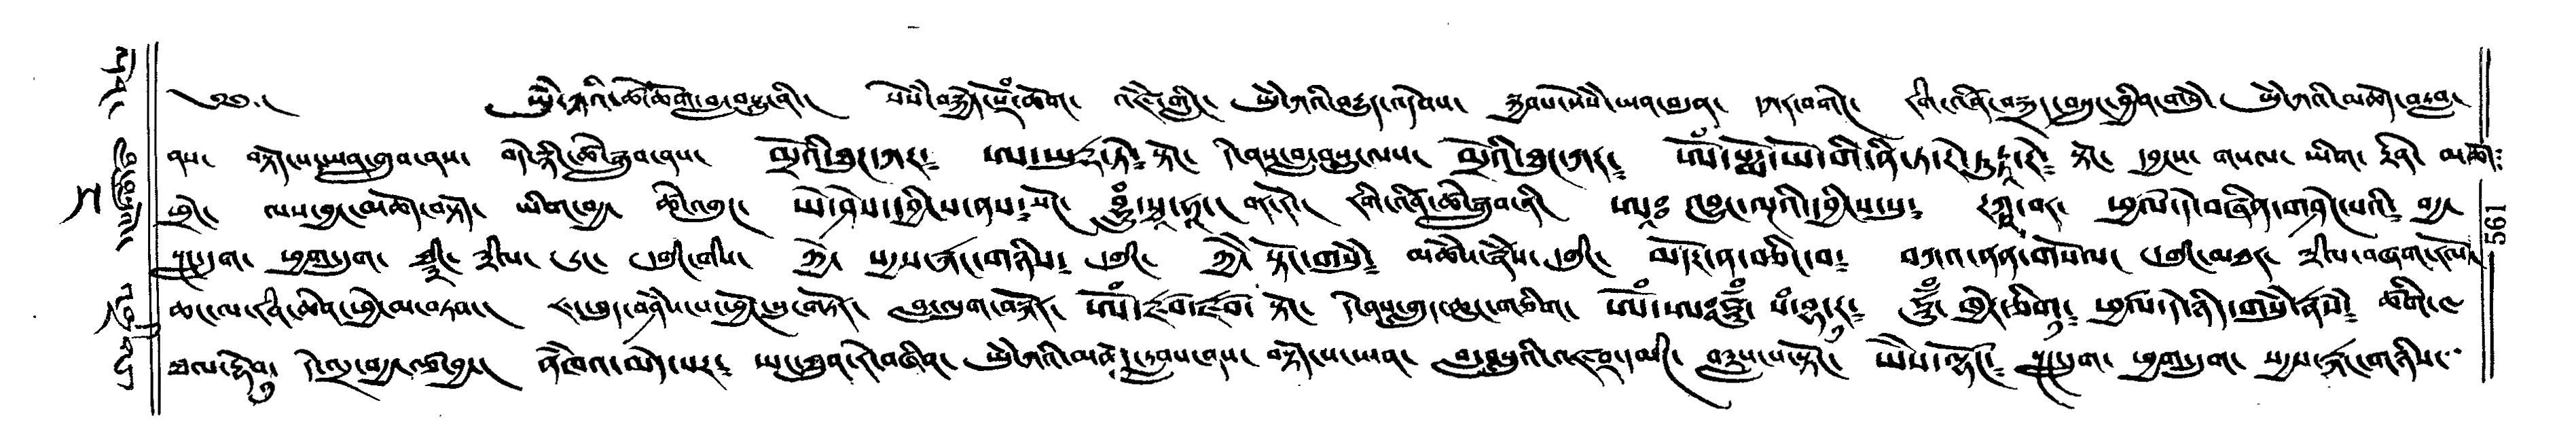ཡུམ་ཀའི་ཚེ་ཆོག་བླ་བསླུ་ནི། སེམས་བསྐྱེད་སྡོམ་ཆོག འཛམ་གླིང་། ཡུམ་ཀའི་བརྒྱུད་འདེབས། སྐྱབས་སེམས། ཡན་བདུན། དཀར་བགེགས། རིག་འཛིན་བསྐྲད་བསྲུང་བྱིན་གསུམ། ཡུམ་ཀའི་མཆོད་རླབས་
ནས། བསྟོད་པ་ཡན་གྲུབ་ནས། བདེ་སྙིང་ཚེ་སྒྲུབ་ནས། མཁའ་འགྲོའི་ཐུགས་ཀར༴ ཨ་ཡརྡྷ་ཏེ༴ སྟེང་། དེ་ནས་བླ་བསླུ་ལས། མཁའ་འགྲོའི་ཐུགས་ཀར༴ ཨོཾ་པདྨོ་ཡོ་གི་ནི་ཏ་རེ་ཏུཏྟཱ་རེ༴ སྟོང་། དབྱངས། གསལ། ཡིག རྟེན། མཆོད་
ཕྲེང་། ལས་བྱང་མཆོད་བསྟོད། ཡིག་བརྒྱ། ཚེ་འགུགས། ཡེ་ཤེས་དབྱིངས་ནས༴ སོགས། བྷྲུྃ་སྭ་ཧཱ། བར་རོ། རིག་འཛིན་ཚེ་སྒྲུབ་ནི། ཨཱཿ འབྱུང་ལྔའི་དབྱིངས་སུ༴ རཀྵ་བར། ཕྱག་འཚལ་དེ་བཞིན་གཤེགས་པའི༴ བརྒྱ།
སྔགས་དྲུག ཕྱག་དྲུག ཐིང་གསུམ། ཟིལ། དུང་། དགུ་ཐིང་གིས། ཀྱེ། སངས་རྒྱས་རྐང་གཉིས༴ དགུ་ཐིང་། ཀྱཻ། སྟོང་གསུམ༴ མཚམས་རྣམས། དགུ་ཐིང་། མདོར་ན་འཆྀང་བ༴ བཀའ་ནན་གསོལ། དགུ་ཐིང་མཐར། ཟིལ། བཞག་རོལ། 
ཆང་ལ་རིན་ཆེན་ཕྱེ་མ་བཏབ། ཇ་ཕུད་བཤམས་པ་ཕྱོགས་སུ་གཏོར། བླ་ལུག་བསྐོར། ཨོཾ་རྫབ་རྫབ༴ སྟོང་། དེ་ནས་གླུད་ཆུང་གཅིག ཨོཾ་ཨཿཧཱུྃ། སཾ་བྷ་ར༴ གཅིག ཧཱུྃ། ཁྱེར་ཅིག༴ གཅིག ཕྱག་འཚལ་དེ་ཉིད་གསུམ་རྣམས༴ ཚིག་བཞི། 
ཐལ་རྡེབ་གཅིག དེ་འདྲ་བརྒྱ་རྩ་བྱ། ནམ་མཁའ་མེད་པར༴ ཡང་ཐུན་རེ་བཞིན། ཡུམ་ཀའི་མཆོད་རླབས་ནས། བསྟོད་པ་ཡན། བླ་བསླུའི་ཛཔྲ་དམིགས། བཟླས་པ་སྟོང་། ཡེ་ཤེས་ལྷ་ཚོགས༴ སྔགས་དྲུག ཕྱག་དྲུག སངས་རྒྱས་རྐང་གཉིས་